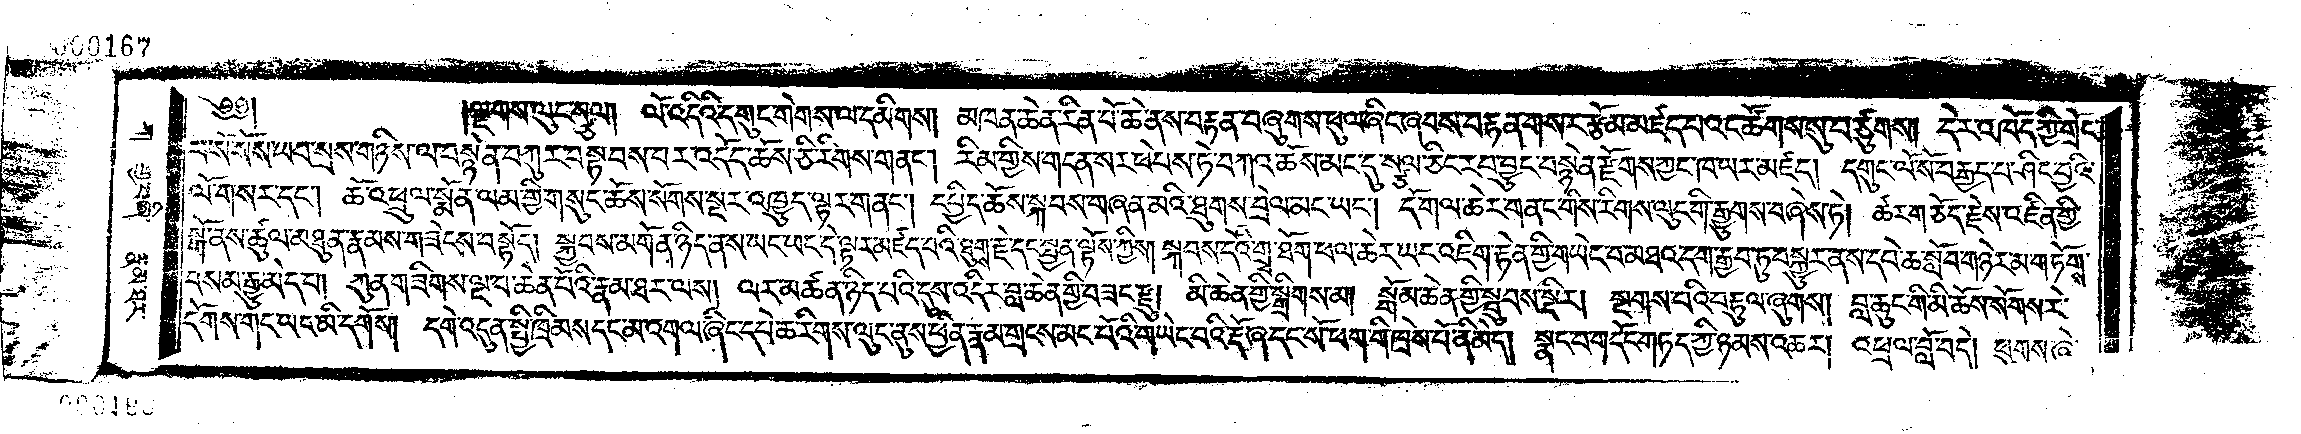༄༅། །ལྗགས་ལུང་སྩལ། ལོ་འདིའི་དགུང་གེགས་ལ་དམིགས། མཁན་ཆེན་རིན་པོ་ཆེ་ནས་བརྟན་བཞུགས་ཕུལ་ཞིང་ཞབས་བརྟན་གསར་རྩོམ་མཛད་པའང་ཚོགས་སུ་བཙུགས། དེར་འཁོད་ཀྱི་གྲེང་
བ་སོ་སོས་ཡབ་སྲས་གཉིས་ལ་བསྙེན་བཀུར་བསྟབས་པར་འདོད་ཆོས་ཅི་རིགས་གནང་། རིམ་གྱིས་གདན་སར་ཕེབས་ཏེ་བཀའ་ཆོས་མང་དུ་སྩལ་ཅིང་རབ་བྱུང་བསྙེན་རྫོགས་ཀྱང་ཁ་ཡར་མཛད། དགུང་ལོ་སོ་བརྒྱད་པ་ཤིང་བྱའི་
ལོ་གསར་དང་། ཆོ་འཕྲུལ་སྨོན་ལམ་གྱི་གསུང་ཆོས་སོགས་སྔར་འཁྱུད་ལྟར་གནང་། དཔྱིད་ཆོས་སྐབས་གཞན་མའི་ཐུགས་བྲེལ་མང་ཡང་། དོ་གལ་ཆེར་གནང་གིས་རིགས་ལུང་གི་རྒྱུགས་བཞེས་ཏེ། ཚར་གཅོད་རྗེས་འཛིན་གྱི་
སྒོ་ནས་ཚུལ་མཐུན་རྣམས་གཟེངས་བསྟོད། སྐྱབས་མགོན་ཉིད་ནས་ཡང་ཡང་དེ་ལྟར་མཛད་པའི་ཐུགས་རྗེ་དང་སྤྱན་ལྟོས་ཀྱིས། སྐབས་དེའི་གྲྭ་ཐོག་ཕལ་ཆེར་ཡང་འཇིག་རྟེན་གྱི་གཡེང་བ་མཐའ་དག་རྒྱབ་ཏུ་བསྐྱུར་ནས་དཔེ་ཆ་སློབ་གཉེར་མ་གཏོགས་
བསམ་རྒྱུ་མེད་པ། ཀུན་གཟིགས་ལྔ་པ་ཆེན་པོའི་རྣམ་ཐར་ལས། ལར་མཚན་ཉིད་པའི་དུས་འདིར་བླ་ཆེན་གྱི་བཟང་རྫུ། མི་ཆེན་གྱི་སྒྲིགས་མ། སྒོམ་ཆེན་གྱི་སྦུབས་སྡིར། སྔགས་པའི་བརྟུལ་ཞུགས། བླ་ཆུང་གི་མི་ཆོས་སོགས་རེ་
ངོགས་གང་ཡང་མི་དགོས། དགེ་འདུན་སྤྱི་ཁྲིམས་དང་མ་འགལ་ཞིང་དཔེ་ཆ་རིགས་ལུང་ནུས་ཕྱིན་རྣམ་གྲངས་མང་པོའི་གཡེང་པའི་རྡོ་ཞ་དང་སོ་ཕག་གི་ཁྲེས་པོ་ནི་མེད། སྣང་བ་གདོང་གཏད་ཀྱི་ཉམས་འཆར། འཕྲལ་བློ་བདེ། ཕུགས་ཞེ་